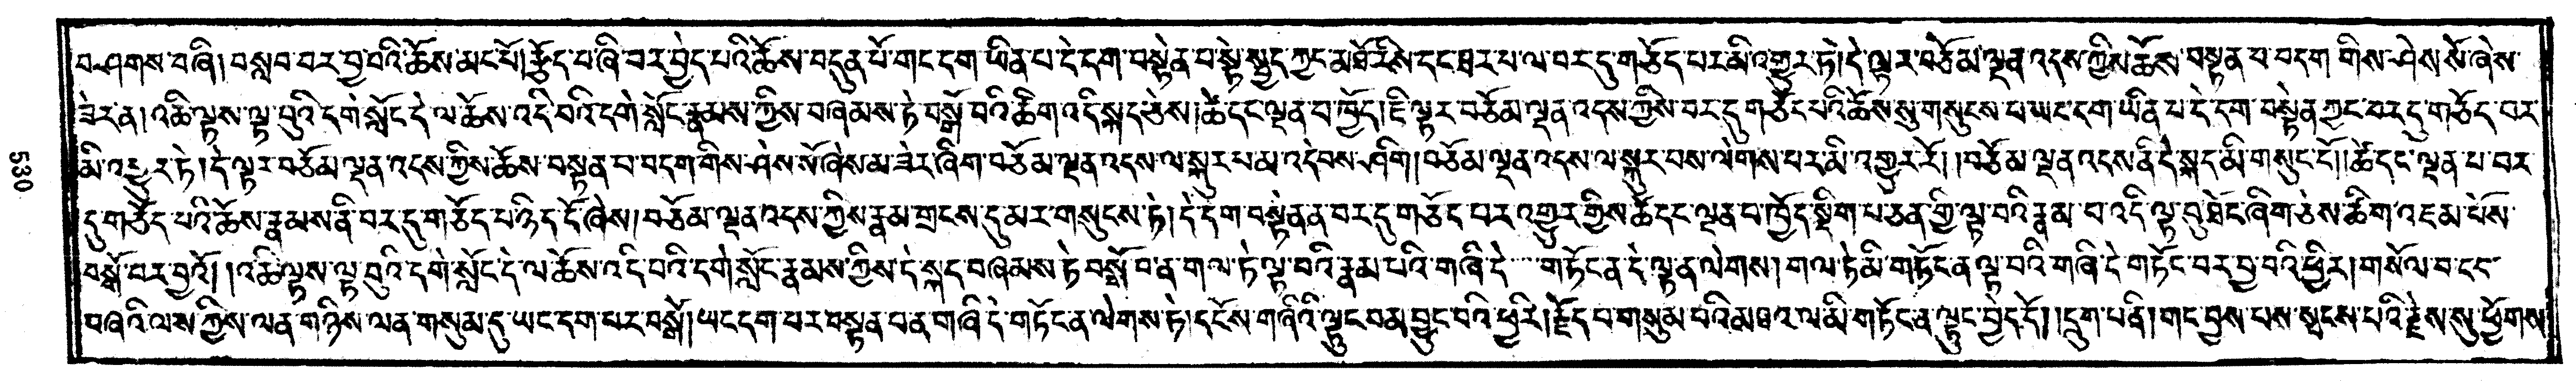བཤགས་བཞི། བསླབ་བར་བྱ་བའི་ཆོས་མང་པོ། རྩོད་པ་ཞི་བར་བྱེད་པའི་ཆོས་བདུན་པོ་གང་དག་ཡིན་པ་དེ་དག་བསྟེན་པ་སྟེ་སྦྱད་ཀྱང་མཐོ་རིས་དང་ཐར་པ་ལ་བར་དུ་གཅོད་པར་མི་འགྱུར་ཏེ། དེ་ལྟར་བཅོམ་ལྡན་དཱས་ཀྱིས་ཆོས་བསྟན་པ་བདག་གིས་ཤེས་སོ་ཞེས་
ཟེར་ན། འཆི་ལྟས་ལྟ་བུའི་དགེ་སློང་དེ་ལ་ཆོས་འདི་བའི་དགེ་སློང་རྣམས་ཀྱིས་བཞམས་ཏེ་བསྒོ་བའི་ཚིག་འདི་སྐད་ཅེས། ཚེ་དང་ལྡན་པ་ཁྱོད། ཇི་ལྟར་བཅོམ་ལྡན་འདས་ཀྱིས་བར་དུ་གཙོང་པའི་ཆོས་སུ་གསུངས་པ་ཡང་དག་ཡིན་པ་དེ་དག་བསྟེན་ཀྱང་བར་དུ་གཅོད་བར་
མི་འགྱུར་ཏེ། དེ་ལྟར་བཅོམ་ལྡན་འདས་ཀྱིས་ཆོས་བསྟན་པ་བདག་གིས་ཤེས་སོ་ཞེས་མ་ཟེར་ཞིག་བཅོམ་ལྡན་འདས་ལ་སྐུར་པ་མ་འདེབས་ཤིག། བཅོམ་ལྡན་འདས་ལ་སྐུར་པས་ལེགས་པར་མི་འགྱུར་རོ། །བཅོམ་ལྡན་འདས་ནི་དེ་སྐད་མི་གསུང་ངོ། །ཚེ་དང་ལྡན་པ་བར་
དུ་གཅོད་པའི་ཆོས་རྣམས་ནི་བར་དུ་གཅོད་པ་ཉིད་ངོ་ཞེས། བཅོམ་ལྡན་འདས་ཀྱིས་རྣམ་གྲངས་དུ་མར་གསུངས་ཏེ། དེ་དག་བསྟེན་ན་བར་དུ་གཅོད་པར་འགྱུར་གྱིས་ཚེ་དང་ལྡན་པ་ཁྱོད་སྡིག་པ་ཅན་གྱི་ལྟ་བའི་རྣམ་པ་འདི་ལྟ་བུ་ཐོང་ཞིག་ཅེས་ཚིག་འཇམ་པོས་
བསྒོ་བར་བྱའོ། །འཆི་ལྟས་ལྟ་བུའི་དགེ་སློང་དེ་ལ་ཆོས་འདི་བའི་དགེ་སློང་རྣམས་ཀྱིས་དེ་སྐད་བཞམས་ཏེ་བསྒོ་བ་ན་གལ་ཏེ་ལྟ་བའི་རྣམ་པའི་གཞི་དེ་གཏོང་ན་དེ་ལྟ་ན་ལེགས། གལ་ཏེ་མི་གཏོང་ན་ལྟ་བའི་གཞི་དེ་གཏོང་བར་བྱ་བཱི་ཕྱིར། གསོལ་བ་དང་
བཞའི་ལས་ཀྱིས་ལན་གཉིས་ལན་གསུམ་དུ་ཡང་དག་པར་བསྒོ། ཡང་དག་པར་བསྟན་པ་ན་གཞི་དེ་གཏོང་ན་ལེགས་ཏེ། དངོས་གཞིའི་ལྟུང་བམ་བྱུང་བའི་ཕྱིར། རྗོད་པ་གསུམ་པའི་མཐའ་ལ་མི་གཏོང་ན་ལྟུང་བྱེད་དོ། །དྲུག་པ་ནི། གང་བྱས་པས་སྤངས་པའི་རྗེས་སུ་ཕྱོགས་